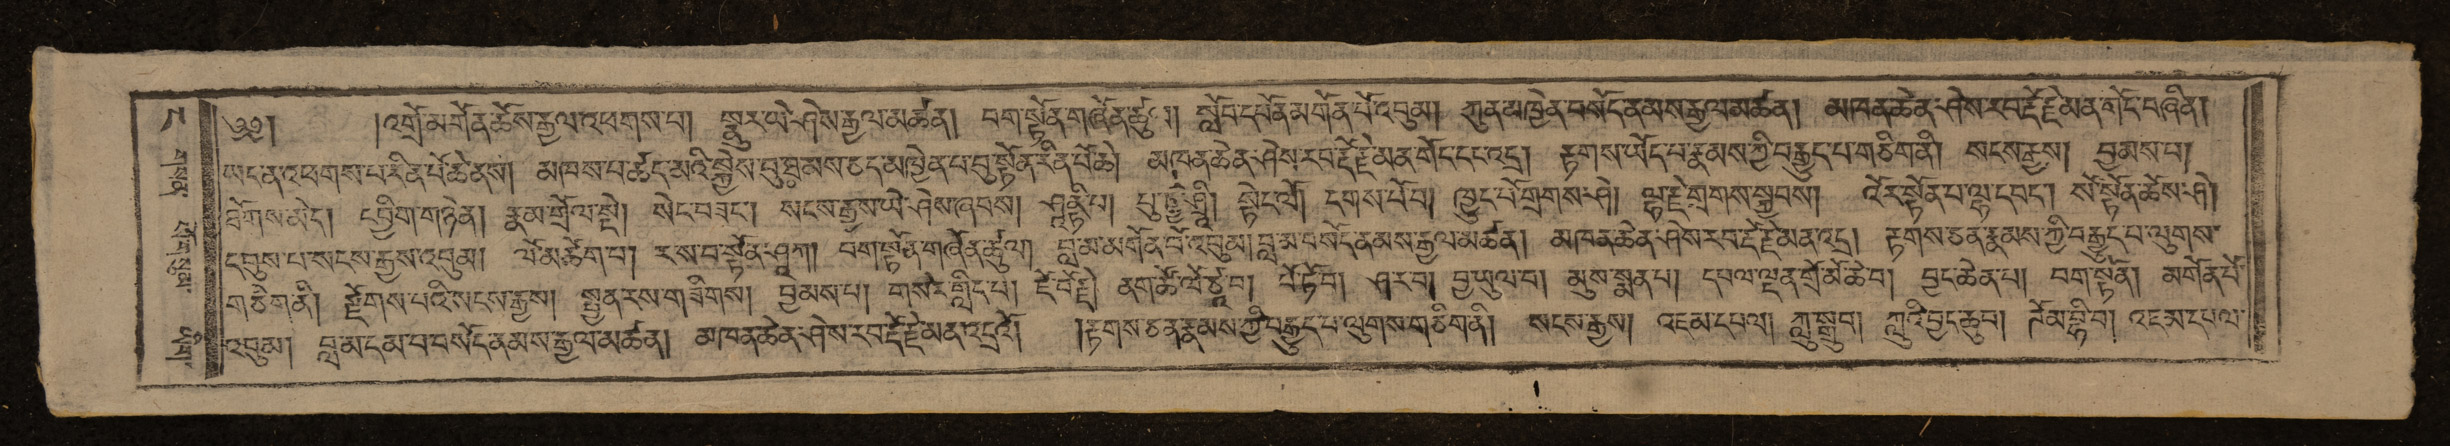༄༅། །འགྲོ་མགོན་ཆོས་རྒྱལ་འཕགས་པ། སྣུར་ཡེ་ཤེས་རྒྱལ་མཚན། བག་སྟོན་གཞོན་ཚུལ། སློབ་དཔོན་མགོན་པོ་འབུམ། ཀུན་མཁྱེན་བསོད་ནམས་རྒྱལ་མཚན། མཁན་ཆེན་ཤེས་རབ་རྡོ་རྗེ་མན་གོང་བཞིན།
ཡང་ན་འཕགས་པ་རིན་པོ་ཆེ་ནས། མཁས་པ་ཚད་མའི་སྐྱེས་བུ་ཐམས་ཅད་མཁྱེན་པ་བུ་སྟོན་རིན་པོ་ཆེ། མཁན་ཆེན་ཤེས་རབ་རྡོ་རྗེ་མན་གོང་དང་འདྲ། རྟགས་ཡོད་པ་རྣམས་ཀྱི་བརྒྱུད་པ་གཅིག་ནི། སངས་རྒྱས། བྱམས་བ།
ཐོགས་མེད། དབྱིག་གཉེན། རྣམ་གྲོལ་སྡེ། སེང་བཟང་། སངས་རྒྱས་ཡེ་ཤེས་ཞབས། ཤཱནྟི་པ། བུ་ཎྱ་ཤྲཱི། སྟེང་ལོ། དགས་པོ་བ། ཁྱུང་པོ་གྲགས་ཤེ། ལྷ་རྗེ་གྲགས་སྐྱབས། འོར་སྟོན་པ་ལྷ་དབང་། སོ་སྟོན་ཚེས་ཤེ།
དབུས་པ་སངས་རྒྱས་འབུམ། ལོ་མཆོག་བ། རས་བསྟོན་ཤཱཀ། བག་སྟོན་གཞོན་ཚུལ། བླ་མ་མགོན་བོ་འབུམ། བླ་མ་བསོད་ནམས་རྒྱལ་མཚན། མཁན་ཆེན་ཤེས་རབ་རྡོ་རྗེ་མན་འདྲ། རྟགས་ཅན་རྣམས་ཀྱི་བརྒྱུད་པ་ལུགས་
གཅིག་ནི། རྫོགས་པའི་སངས་རྒྱས། སྤྱན་རས་གཟིགས། བྱམས་པ། གསེར་གླིང་པ། ཇོ་བོ་རྗེ། ནག་ཚོ་ལོ་ཙཱ་བ། པོ་ཏོ་བ། ཤར་བ། བྱ་ཡུལ་བ། མུས་སྨན་པ། དཔལ་ལྡན་གྲོ་མོ་ཆེ་བ། བྱང་ཆེན་པ། བག་སྟོན། མགོན་པོ་
འབུམ། བླ་མ་དམ་པ་བསོད་ནམས་རྒྱལ་མཚན། མཁན་ཆེན་ཤེས་རབ་རྡོ་རྗེ་མན་འདྲའོ། །རྟགས་ཅན་རྣམས་ཀྱི་བརྒྱུད་པ་ལུགས་གཅིག་ནི། སངས་རྒྱས། འཇམ་དཔལ། ཀླུ་སྒྲུབ། ཀླུའི་བྱང་ཆུབ། ཊོ་མ་བྷི་བ། འཇམ་དཔལ་